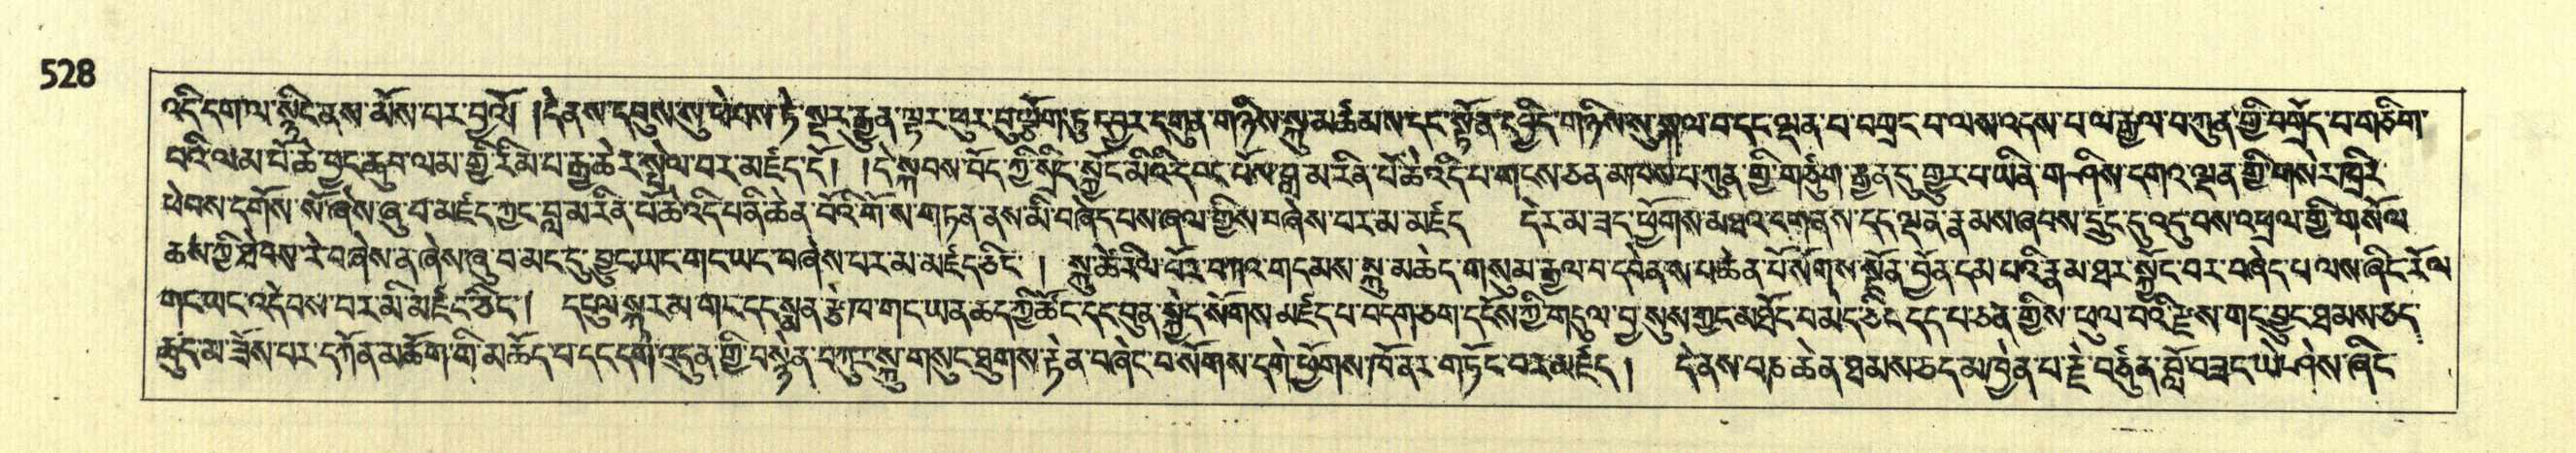འདི་དག་ལ་སྙིང་ནས་མོས་པར་བྱའོ། །དེ་ནས་དབུས་སུ་ཕེབས་ཏེ་སྔར་རྒྱུན་ལྟར་ཕུར་བུ་ལྕོག་ཏུ་དབྱར་དགུན་གཉིས་སྐུ་མཚམས་དང་སྟོན་དབྱིད་གཉིས་སུ་སྐལ་བ་དང་ལྡན་བ་བགྲང་བ་ལ་འདས་པ་ལ་རྒྱལ་བ་ཀུན་གྱི་བགྲོད་པ་གཅིག་
པའི་ལམ་པོ་ཆེ་བྱང་ཆུབ་ལམ་གྱི་རིམ་པ་རྒྱ་ཆེར་སྤེལ་བར་མཛད་དོ། །དེ་སྐབས་བོད་ཀྱི་སྲིད་སྐྱོང་མིའི་དབང་པོས་བླ་མ་རིན་པོ་ཆེ་འདི་པ་གངས་ཅན་མཁས་པ་ཀུན་གྱི་གཙུག་རྒྱན་དུ་གྱུར་པ་ཡིན་གཤིས་དགའ་ལྡན་གྱི་གསེར་ཁྲིར་
ཕེབས་དགོས་སོ་ཞེས་ཞུ་བ་མཛད་ཀྱང་བླ་མ་རིན་པོ་ཆེ་འདི་པ་ནི་ཆེན་པོའི་གོ་ས་གཏན་ནས་མི་བཞེད་པས་ཞལ་གྱིས་བཞེས་པར་མ་མཛད་དེར་མ་ཟད་ཕྱོགས་མཐའ་དག་ནས་དད་ལྡན་རྣམས་ཞབས་དྲུང་དུ་འདུ་བས་འཕྲལ་གྱི་གསོལ་
ཆས་ཀྱི་ཐེབས་རེ་བཞེས་ན་ཞེས་ཞུ་བ་མང་དུ་བྱུང་ཡང་གང་ཡང་བཞེས་པར་མ་མཛད་ཅིང་། སྐུ་ཚེ་རིལ་པོར་བཀའ་གདམས་སྐུ་མཆེད་གསུམ་རྒྱལ་བ་དབེན་ས་པ་ཆེན་པོ་སོགས་སྔོན་བྱོན་དམ་པའི་རྣམ་ཐར་སྐྱོང་བར་བཞེད་པ་ལས་ཞིང་རོལ་
གང་ཡང་འདེབས་བར་མི་མཛད་ཅིང་། དངུལ་སྐར་མ་གང་དང་སྨན་རྩེ་ཁ་གང་ཡན་ཆད་ཀྱི་ཚོང་དང་བུན་སྐྱེད་སོགས་མཛད་པ་བདག་ཅག་དངོས་ཀྱི་གདུལ་བྱ་སུས་ཀྱང་མཐོང་བ་མེད་ཅིང་དད་པ་ཅན་གྱིས་ཕུལ་བའི་རྫས་གང་བྱུང་ཐམས་ཅད་
ཚུང་མ་ཟོས་པར་དཀོན་མཆོག་གི་མཆོད་པ་དང་དགེ་འདུན་གྱི་བསྙེན་བཀུར་སྐུ་གསུང་ཐུགས་རྟེན་བཞེང་བ་སོགས་དགེ་ཕྱོགས་ཁོ་གནར་གཏོང་བར་མཛད། དེ་ནས་པཎ་ཆེན་ཐམས་ཅད་མཁྱེན་པ་རྗེ་བཙུན་བློ་བཟང་ཡེ་ཤེས་ཞིང་